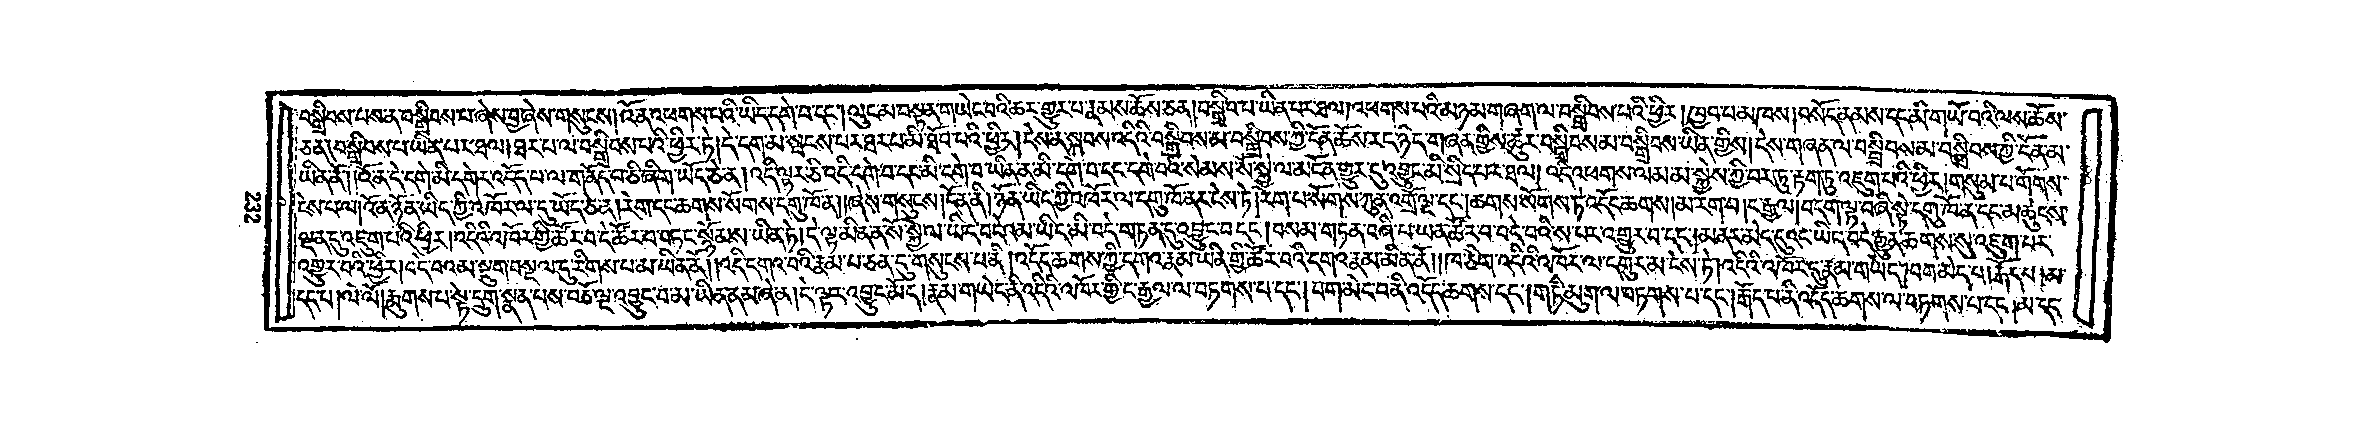བསྒྲིབས་པས་ན་བསྒྲིབས་པ་ཞེས་བྱ་ཞེས་གསུངས། འོ་ན་འཕགས་པའི་ཡིད་དགེ་བ་དང་། ལུང་མ་བསྟན་གཡེང་བའི་ཆར་གྱུར་པ་རྣམས་ཆོས་ཅན། བསྒྲིབ་པ་ཡིན་པར་ཐལ། འཕགས་པའི་མཉམ་གཞག་ལ་བསྒྲིབས་པའི་ཕྱིར། ཁྱབ་པ་མཁས། བསོད་ནམས་དང་མི་གཡོ་བའི་ལས་ཆོས་
ཅན། བསྒྲིབས་པ་ཡིན་པར་ཐལ། ཐར་པ་ལ་བསྒྲིབས་པའི་ཕྱིར་ཏེ། དེ་དག་མ་སྤངས་པར་ཐར་པ་མི་ཐོབ་པའི་ཕྱིར། དེས་ན་སྐབས་འདིའི་བསྒྲིབས་མ་བསྒྲིབས་ཀྱི་དོན་ཆོས་རང་ཉིད་གཞན་གྱིས་ཚུར་བསྒྲིབས་མ་བསྒྲིབས་ཡིན་གྱིས། དེས་གཞན་ལ་བསྒྲིབས་མ་བསྒྲིབས་ཀྱི་དོན་མ་
ཡིན་ནོ། །འོ་ན་དེ་དགེ་མི་དགེར་འདོད་པ་ལ་གནོད་པ་ཅི་ཞིག་ཡོད་ཅེ་ན། འདི་ལྟར་ཅི་འདི་དགེ་བ་དང་མི་དགེ་བ་ཡིན་ན་མི་དགེ་བ་དང་དགེ་བའི་སེམས་སོ་སྐྱེ་ལ་མངོན་གྱུར་དུ་འབྱུང་མི་སྲིད་པར་ཐལ། འདི་འཕགས་ལམ་མ་སྐྱེས་ཀྱི་བར་ཏུ་རྟག་ཏུ་འཇུག་པའི་ཕྱིར། གསུམ་པ་གོགས་
ངེས་པ་ལ། འོ་ན་ཉོན་ཡིད་ཀྱི་འཁོར་ལ་དུ་ཡོད་ཅེ་ན། རེག་དང་ཆགས་སོགས་དགུ་ཁོ་ན། ཞེས་གསུངས། དོན་ནི། ཉོན་ཡིད་ཀྱི་འཁོར་ལ་དགུ་ཁོ་ནར་ངེས་ཏེ། རེག་པ་སོགས་ཀུན་འགྲོ་ལྔ་དང་། ཆགས་སོགས་ཏེ་འདོད་ཆགས། མ་རག་པ། ང་རྒྱལ། བདག་ལྟ་བཞི་སྟེ་དགུ་ཁོ་ན་དང་མཚུངས་
ལྡན་དུ་འཇུག་པའི་ཕྱིར། འདིའི་འཁོར་གྱི་ཚོར་བ་དེ་ཚོར་བ་བཏང་སྙོམས་ཡིན་ཏེ། དེ་ལྟ་མིན་ན་སོ་སྐྱེ་ལ་ཡིད་བདེའམ་ཡིད་མི་བདེ་གཏན་དུ་འབྱུང་བ་དང་། བསམ་གཏན་བཞི་པ་ཡན་ཚོར་བ་བདེ་བའི་ས་པར་འགྱུར་བ་དང་། མནར་མེད་དུའང་ཡིད་བདེ་རྒྱུན་ཆགས་སུ་འཇུག་པར་
འགྱུར་བའི་ཕྱིར། བདེ་བའམ་སྡུག་བསྔལ་དུ་རིགས་པ་མ་ཡིན་ནོ། །འདི་དགའ་བའི་རྣམ་པ་ཅན་དུ་གསུངས་པ་ནི། འདོད་ཆགས་ཀྱི་དགའ་རྣམ་ཡིན་གྱི་ཚོར་བའི་དགའ་རྣམ་མིན་ནོ། །ཁ་ཅིག་འདིའི་འཁོར་ལ་དགུར་མ་ངེས་ཏེ། འདིའི་འཁོར་དུ་རྣམ་གཡེང་། བག་མེད་པ། རྒོད་པ། མ་
དད་པ། ལེ་ལོ། རྨུགས་པ་སྟེ་དྲུག་སྣན་པས་བཅོ་ལྔ་འབྱུང་བ་མ་ཡིན་ནམ་ཞེ་ན། དེ་ལྟར་འབྱུང་མོད། རྣམ་གཡེང་ནི་འདིའི་འཁོར་གྱི་ང་རྒྱལ་ལ་བཏགས་པ་དང་། བག་མེད་པ་ནི་འདོད་ཆགས་དང་། གཏི་མུག་ལ་བཏགས་པ་དང་། རྒོད་པ་ནི་འདོད་ཆགས་ལ་བཏགས་པ་དང་། མ་དང་